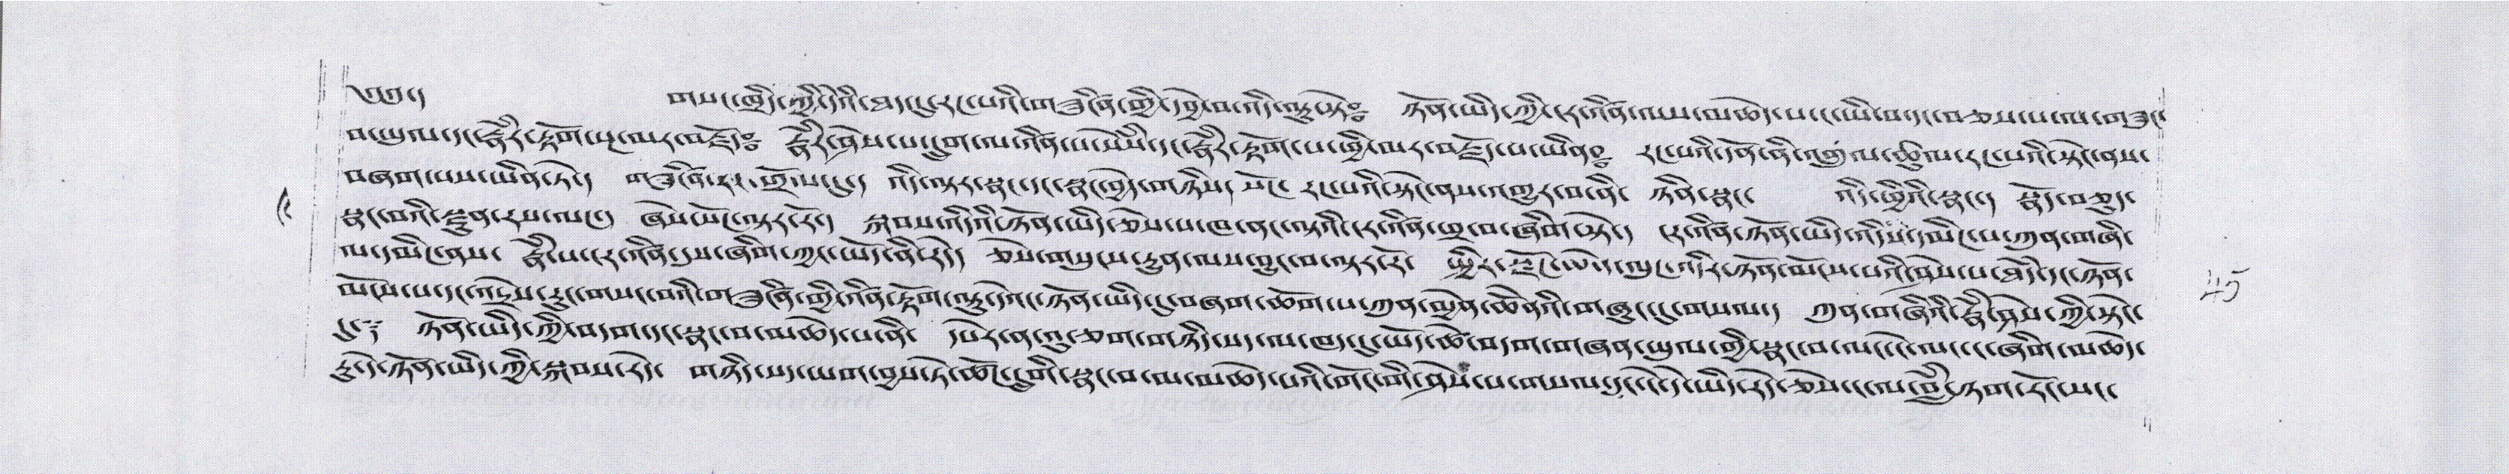གསང་ཁྲིད་ཀྱི་དེའི་ཐད་དུ་རགས་པའི་གཟུང་འཛིན་གྱི་དབྱེ་བ་འདི་ལྟ་བུ་སྟེཿ ཉོན་ཡིད་ཀྱི་ངར་འཛིན་ལས་མཆེད་པ་ང་ཡི་བ་དང་བཅས་པ་ལ་གཟུང་
བ་ཡུལ་དང་རྣམ་པར་རྟོག་པ་སྔ་མར་བརྗོད། རྣམ་པར་ཤེས་པ་དྲུག་ལ་འཛིན་པ་སེམས་དང་རྣམ་པར་རྟོག་པ་ཕྱི་མར་བརྗོད་པ་ཡིན། རགས་པའི་དོན་ནི་འཁྲུལ་ཚུལ་རགས་པའི་སྟེང་ནས་
བཞག་པ་ཡིན་ཏེ། གཟུང་འཛིན་རང་གྲོལ་དུ། འདི་ལྟར་སྣང་དང་སྣང་བྱེད་གཉིས། སོགས་རགས་པའི་སྟེང་ནས་འགྱུར་བ་ནི། ཉིན་སྣང་འདི་ཕྱིའི་སྣང་སྣོད་བཅུད་
སྣང་བའི་རྫུན་རས་ལགས། ཞེས་སོགས་ལྟར་རོ། སྐབས་འདིའི་ཉོན་ཡིད་ཅེས་པ་ཁ་ནང་ལྟའི་ངར་འཛིན་ཕྲ་བ་ཞིག་སྟེ། ངར་འཛིན་ཉོན་ཡིད་འདིའི་དམིགས་པ་ཀུན་གཞི་
ལ་དམིགས་ནས་རྣམ་པ་ངར་འཛིན་དུས་ཞིག་ཀྱང་ཡོད་ནི་རེད། ཅེས་གསུང་རྒྱུན་ལས་བྱུང་བ་ལྟར་རོ། སྤྱིར་རྫོགས་ཆེན་ལུགས་འདིར་ཉོན་མོངས་པའི་ཤེས་པ་ཐམས་ཅད་དང་ཉོན་
མོངས་པ་དང་འདྲེས་རུང་གསང་བའི་གཟུང་འཛིན་གྱི་འཛིན་རྟོག་ལྟ་བུ་དེའང་ཉོན་ཡིད་དུ་བཞག་ཆོག་པ་ཀུན་མཁྱེན་ཆེན་པོའི་གཞུང་དུ་གསལ། ཀུན་གཞིའི་རྣམ་ཤེས་ཀྱི་སྟེང་
དུ་ཉོན་ཡིད་ཀྱི་བདག་དང་སྣང་བ་མཆེད་པ་ནི། དཔེར་ན་འུ་ཅག་གཉིད་སད་ལ་ཁད་དུ་ཡོད་ཚེ་བདག་གཞན་ཡུལ་གྱི་སྣང་བ་ལང་ངེ་ལང་ང་ཞིག་མཆེད་
དུ་དེ་ཉོན་ཡིད་སྐབས་རེད། གཉིད་སད་ཡག་བྱས་ཏེ་ཚོགས་དྲུག་གི་སྣང་བ་མ་མཆེད་པའི་གོང་གི་ཤེས་པ་གསལ་དུང་ངེ་དེ་ཡིད་རེད་ཅེས་ང་ལ་བླ་མ་ཉག་རོང་སང་